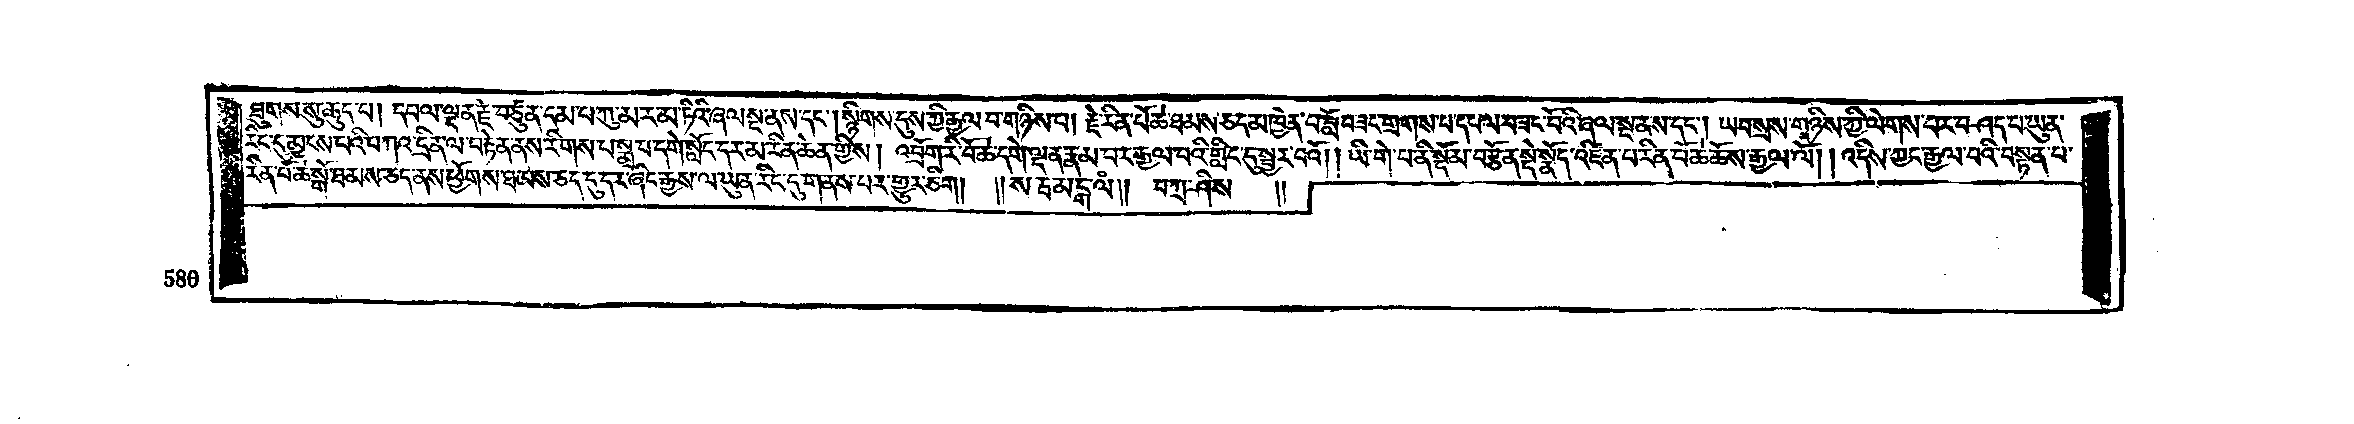ཐུགས་སུ་ཆུད་པ། དཔལ་ལྡན་རྗེ་བཙུན་དམ་པ་ཀུ་མར་མ་ཏིའི་ཞལ་སྔ་ནས་དང་། སྙིགས་དུས་ཀྱི་རྒྱལ་བ་གཉིས་པ། རྗེ་རིན་པོ་ཆེ་ཐམས་ཅད་མཁྱེན་པ་བློ་བཟང་གྲགས་པ་དཔལ་བཟང་པོའི་ཞལ་སྔ་ནས་དང་། ཡབ་སྲས་གཉིས་ཀྱི་ལེགས་པར་བཤད་པ་ཡུན་
རིང་དུ་མྱངས་པའི་དྲིན་ལ་བརྟེན་ནས་རིགས་པ་སྨྲ་བ་དགེ་སློང་དར་མ་རིན་ཆེན་གྱིས། འབྲོག་རི་པོ་ཆེ་དགེ་ལྡན་རྣམ་པར་རྒྱལ་བའི་གླིང་དུ་སྦྱར་བའོ། །ཡི་གེ་པ་ནི་སྡོམ་བརྩོན་སྡེ་སྣོད་འཛིན་པ་རིན་པོ་ཆེ་ཆོས་རྒྱལ་ལོ། །འདིས་ཀྱང་རྒྱལ་བའི་བསྟན་པ་
རིན་པོ་ཆེ་སྒོ་ཐམས་ཅད་ནས་ཕྱོགས་ཐམས་ཅད་དུ་དར་ཞིང་རྒྱས་ལ་ཡུན་རིང་དུ་གནས་པར་གྱུར་ཅིག ། །།སརབ་མངག་ལཾ།། བཀྲ་ཤིས།། །།